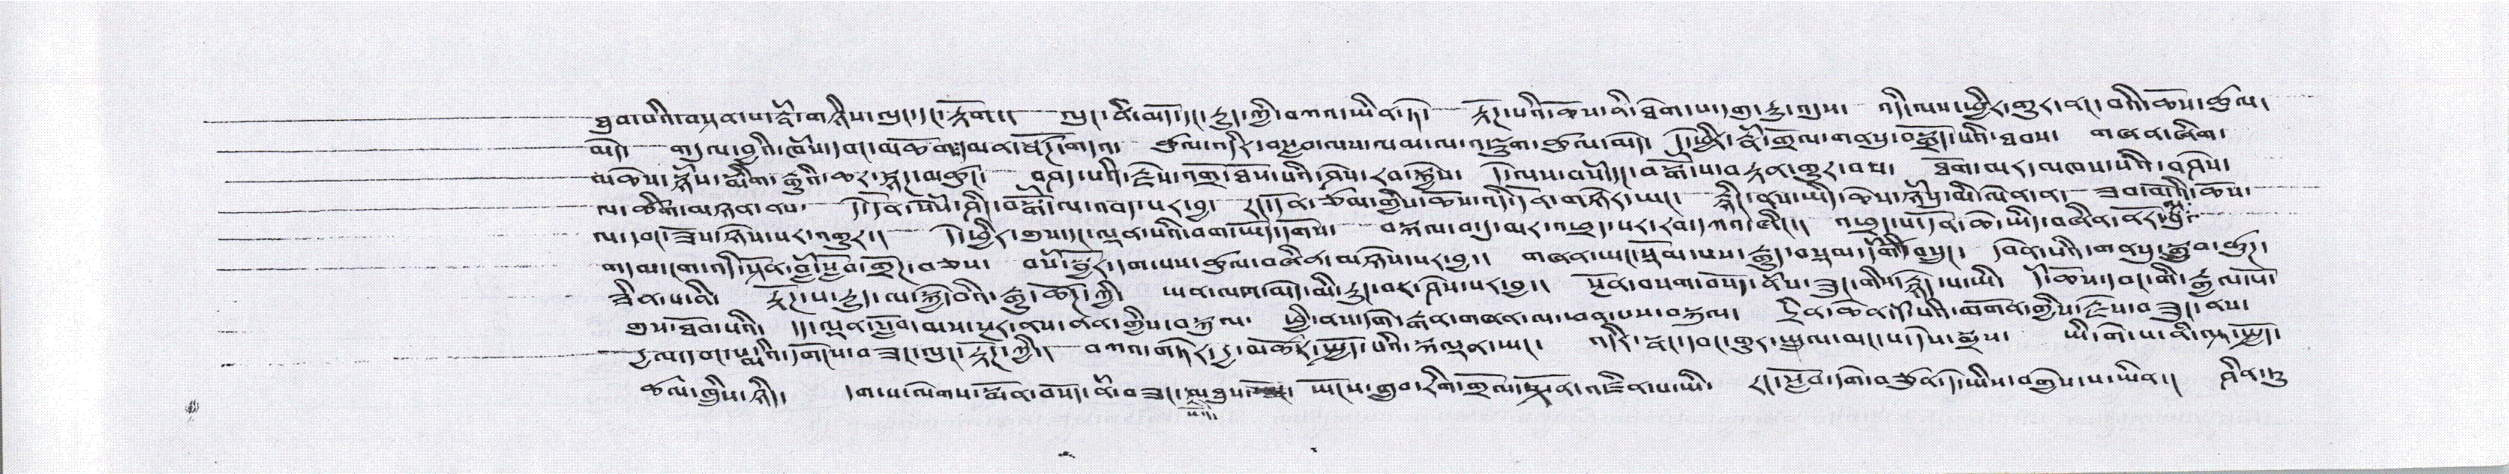ཐུབ་པའི་བསྟན་པ་རྣམ་གཉིས་ལུང་དང་རྟོགས། །ལུང་ནི་མདོ་དང་རྒྱུད་ཀྱི་བཀའ་ཡིན་ཏེ། །རྟོགས་པའི་ཆོས་ནི་ཐེག་པ་དགུ་རུ་འདུས། །འདི་ལས་ཕྱིར་གྱུར་ནང་པའི་ཆོས་ཚུལ་
མེད། །གདུལ་བྱའི་ཁམས་དབང་མཆོག་དམན་སྣ་ཚོགས་གདའ། །ཚུལ་འདིར་བསླབ་ལས་ལམ་ལ་འཇུག་ཚུལ་མེད། །དེ་ཕྱིར་རྣམ་གྲོལ་གནས་སུ་བགྲོད་པའི་ཐབས། །གཞན་ཞིག་
མཆིས་སྙམ་སྨྲིག་སྒྱུའི་ཆར་སྙགས་མཚུངས། །བཤད་པའི་རྗེས་འགྲོ་ཐོས་པའི་ཤེས་རབ་སྐྱེས། །དེ་ལས་བསམ་དང་སྒོམ་པ་བརྟན་གྱུར་པས། །ཐོག་མར་མཁས་པའི་བཤེས་
ལ་ཚིག་མཉན་ནས། །དེ་དོན་སེམས་ཤིང་སྒོམ་ལ་འབད་པར་བྱ། །རང་དོན་ཙམ་གྱིས་ཆོས་འདི་དོན་གཉེར་ཡང་། །སྙིང་ནས་ཡིད་ཆེས་ཉམས་སུ་མི་ལེན་ན། །ཟབ་མོའི་ཆོས་
ལ་དབང་ཟོས་ཉེས་པར་འགྱུར། །དེ་ཕྱིར་གུས་དང་ལྡན་པའི་བག་ཡོད་དགོས། །བསྐལ་པ་དུ་མར་འཕྲད་པར་རབ་དཀའ་ཞིང་། །འཕྲད་པ་དོན་ཆེ་ཡིད་བཞིན་ནོར་བུ་ལ། །
གདམས་ངག་འདི་སྟོན་བླ་མ་སློབ་གྲོགས་བཅས། །བསམ་སྦྱོར་དག་པས་ཚུལ་བཞིན་མཉེས་པར་བྱ། །གཞན་ཡང་སྡོམ་པས་རྒྱུད་བསྡམས་དམ་ཚིག་བསྲུང་། །དབེན་པའི་གནས་སུ་སྒྲུབ་ཚུགས་
ཟིན་པ་ནི། །རྟོགས་པ་རྒྱུད་ལ་སྐྱེ་བའི་རྒྱུ་ཚོགས་ཀྱི། །ཡན་ལག་མེད་མི་རུང་བར་ཤེས་པར་བྱ། །སྔོན་བསགས་བསོད་ནམས་ཟུང་གིས་རྙེད་པ་ཡི། །དམ་ཆོས་དབང་གི་རྒྱལ་པོ་
གུས་ཐོབ་པའི། །དད་ལྡན་སློིབ་མས་སྔར་ནས་ནས་ཀྱིས་བསྐུལ། །ཕྱི་ནས་དགེ་རྒན་གཞན་ལ་ཕན་པས་བསྐུལ། །དྲིན་ལན་དམ་པའི་མགོན་གྱིས་རྗེས་བཟུང་ནས། །
རྒྱལ་དབང་པདྨའི་དགོངས་བཟང་ལུང་རྟོགས་ཀྱི། །བཀའ་གཏེར་རྒྱ་མཚོར་སྤྱོད་པའི་སྐལ་ལྡན་ཡང་། །འདིར་སྣང་དབང་གྱུར་སྤྲུལ་མང་པ་དེས་སྨྲས། །ཡི་གེ་པ་ནི་ལྟ་སྤྱོད་
ཚལ་༼གྱིས༽ཉིད། །དག་པ་ལེགས་སྨོན་བསོད་ནམས་བཟང་པོའི་མཐུས། །ཡོངས་གྲུབ་རིག་གྲོལ་ཡོན་ཏན་འཛིན་པ་ཡི། །རང་སློབ་དགེ་བཙུན་དེ་ཡིས་བགྱིས་པ་ཡིན། །ཤིན་ཏུ་